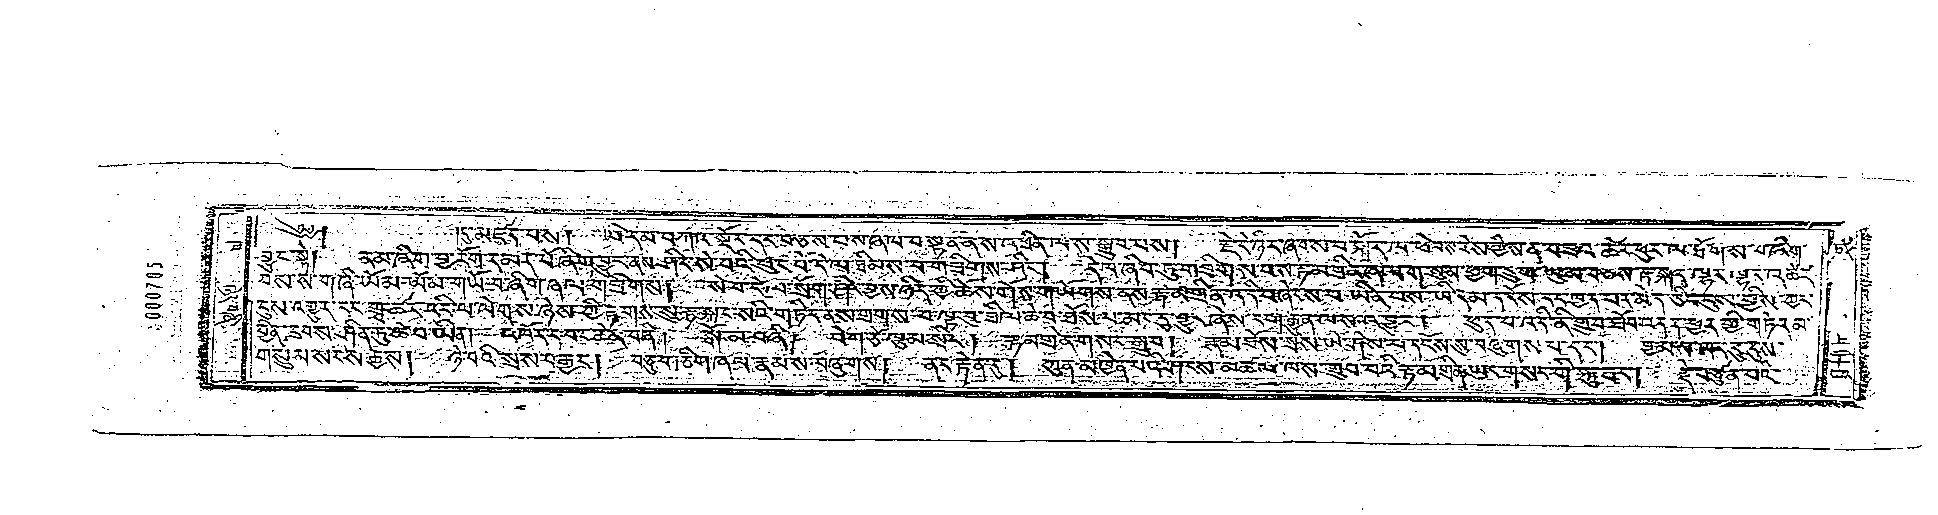༄༅། །དུ་མཛད་པས། ཡི་དམ་བཀའ་སྡོད་དང་བཅས་པས་ཞལ་བསྟན་ནས་འཕྲིན་ལས་སྒྲུབ་པས། རྗེ་དེ་ཉིར་ཞབས་བསྐོར་ལ་ཕེབས་རེས་ཀྱིས་ན་བཟའ་ཆོར་ཕུང་ལ་ཐོགས་པ་ཞིག་
བྱུང་སྟེ། ནམ་ཞིག་བྱ་རོག་དམར་པོ་ཞིག་བྱུང་ནས་ཤིང་སེ་བའི་ཕུང་བོ་དེ་ལ་ཐིམས་པ་གཟིགས་ཤིང་། དེ་ལ་ཞིབ་ཏུ་གཟིགས་པས་རྟ་མགྲིན་ཞལ་གསུམ་ཕྱག་དྲུག་ཡུམ་བཅས་རྟ་སྐད་ལྷང་ལྷང་འཚེར་
བས་ས་གཞི་ཡོམ་ཡོམ་གཡོ་བ་ཞིག་ཞལ་གཟིགས། སེབ་དེ་ལ་སྲོག་ཤིང་བྱས་ཉིད་ཀྱི་ཆོས་གོས་གཡོགས་ནས་རྟ་མགྲིན་འདི་བཞེངས་པ་ཡིན་པས་ཡི་དམ་དངོས་དང་ཁྱད་པར་མེད་ཅིང་དུས་ཕྱིས་ཀྱང་
དུས་འགྱུར་དང་གྲྭ་ཚང་འདི་ལ་ལེགས་ཉེས་ཀྱི་རྟགས་སུ་རྟ་སྐང་སའི་གཏེར་ནས་གྲགས་པ་ལྟ་བུ་ཟིལ་ཆེ་པ་ཐོས་པ་མང་དུ་བྱུང་ཞེས་དག་རྒྱུན་ལས་འབྱུང་། ཕུང་པ་འདི་ནི་གྲུབ་ཐོབ་འདར་ཕྱར་གྱི་གཏེར་མ་
བྱིན་རླབས་ཤིན་ཏུ་ཆེ་བ་ཡིན། འཁོར་དབང་ཆེན་བཞི། སྒོ་མ་བཞི། བེག་ཙེ་ལྕམ་སྲིང་། རྟ་མགྲིན་གསང་སྒྲུབ། རྣམ་ཐོས་སྲས་ཡེ་ཤེས་པ་དངོས་སུ་བཞུགས་པ་དང་། བྱམས་ཁང་དུ་དུས་
གསུམ་སངས་རྒྱས། ཉེ་བའི་སྲས་བརྒྱད། བཅུ་གཅིག་ཞལ་རྣམས་བཞག། ནང་རྟེན་དུ། ཀུན་མཁྱེན་པའི་ཤངས་མཚལ་ལས་གྲུབ་པའི་རྟ་མགྲིན་ཡང་གསང་གི་སྐུ་ཐང་། རྗེ་བཙུན་པའི་